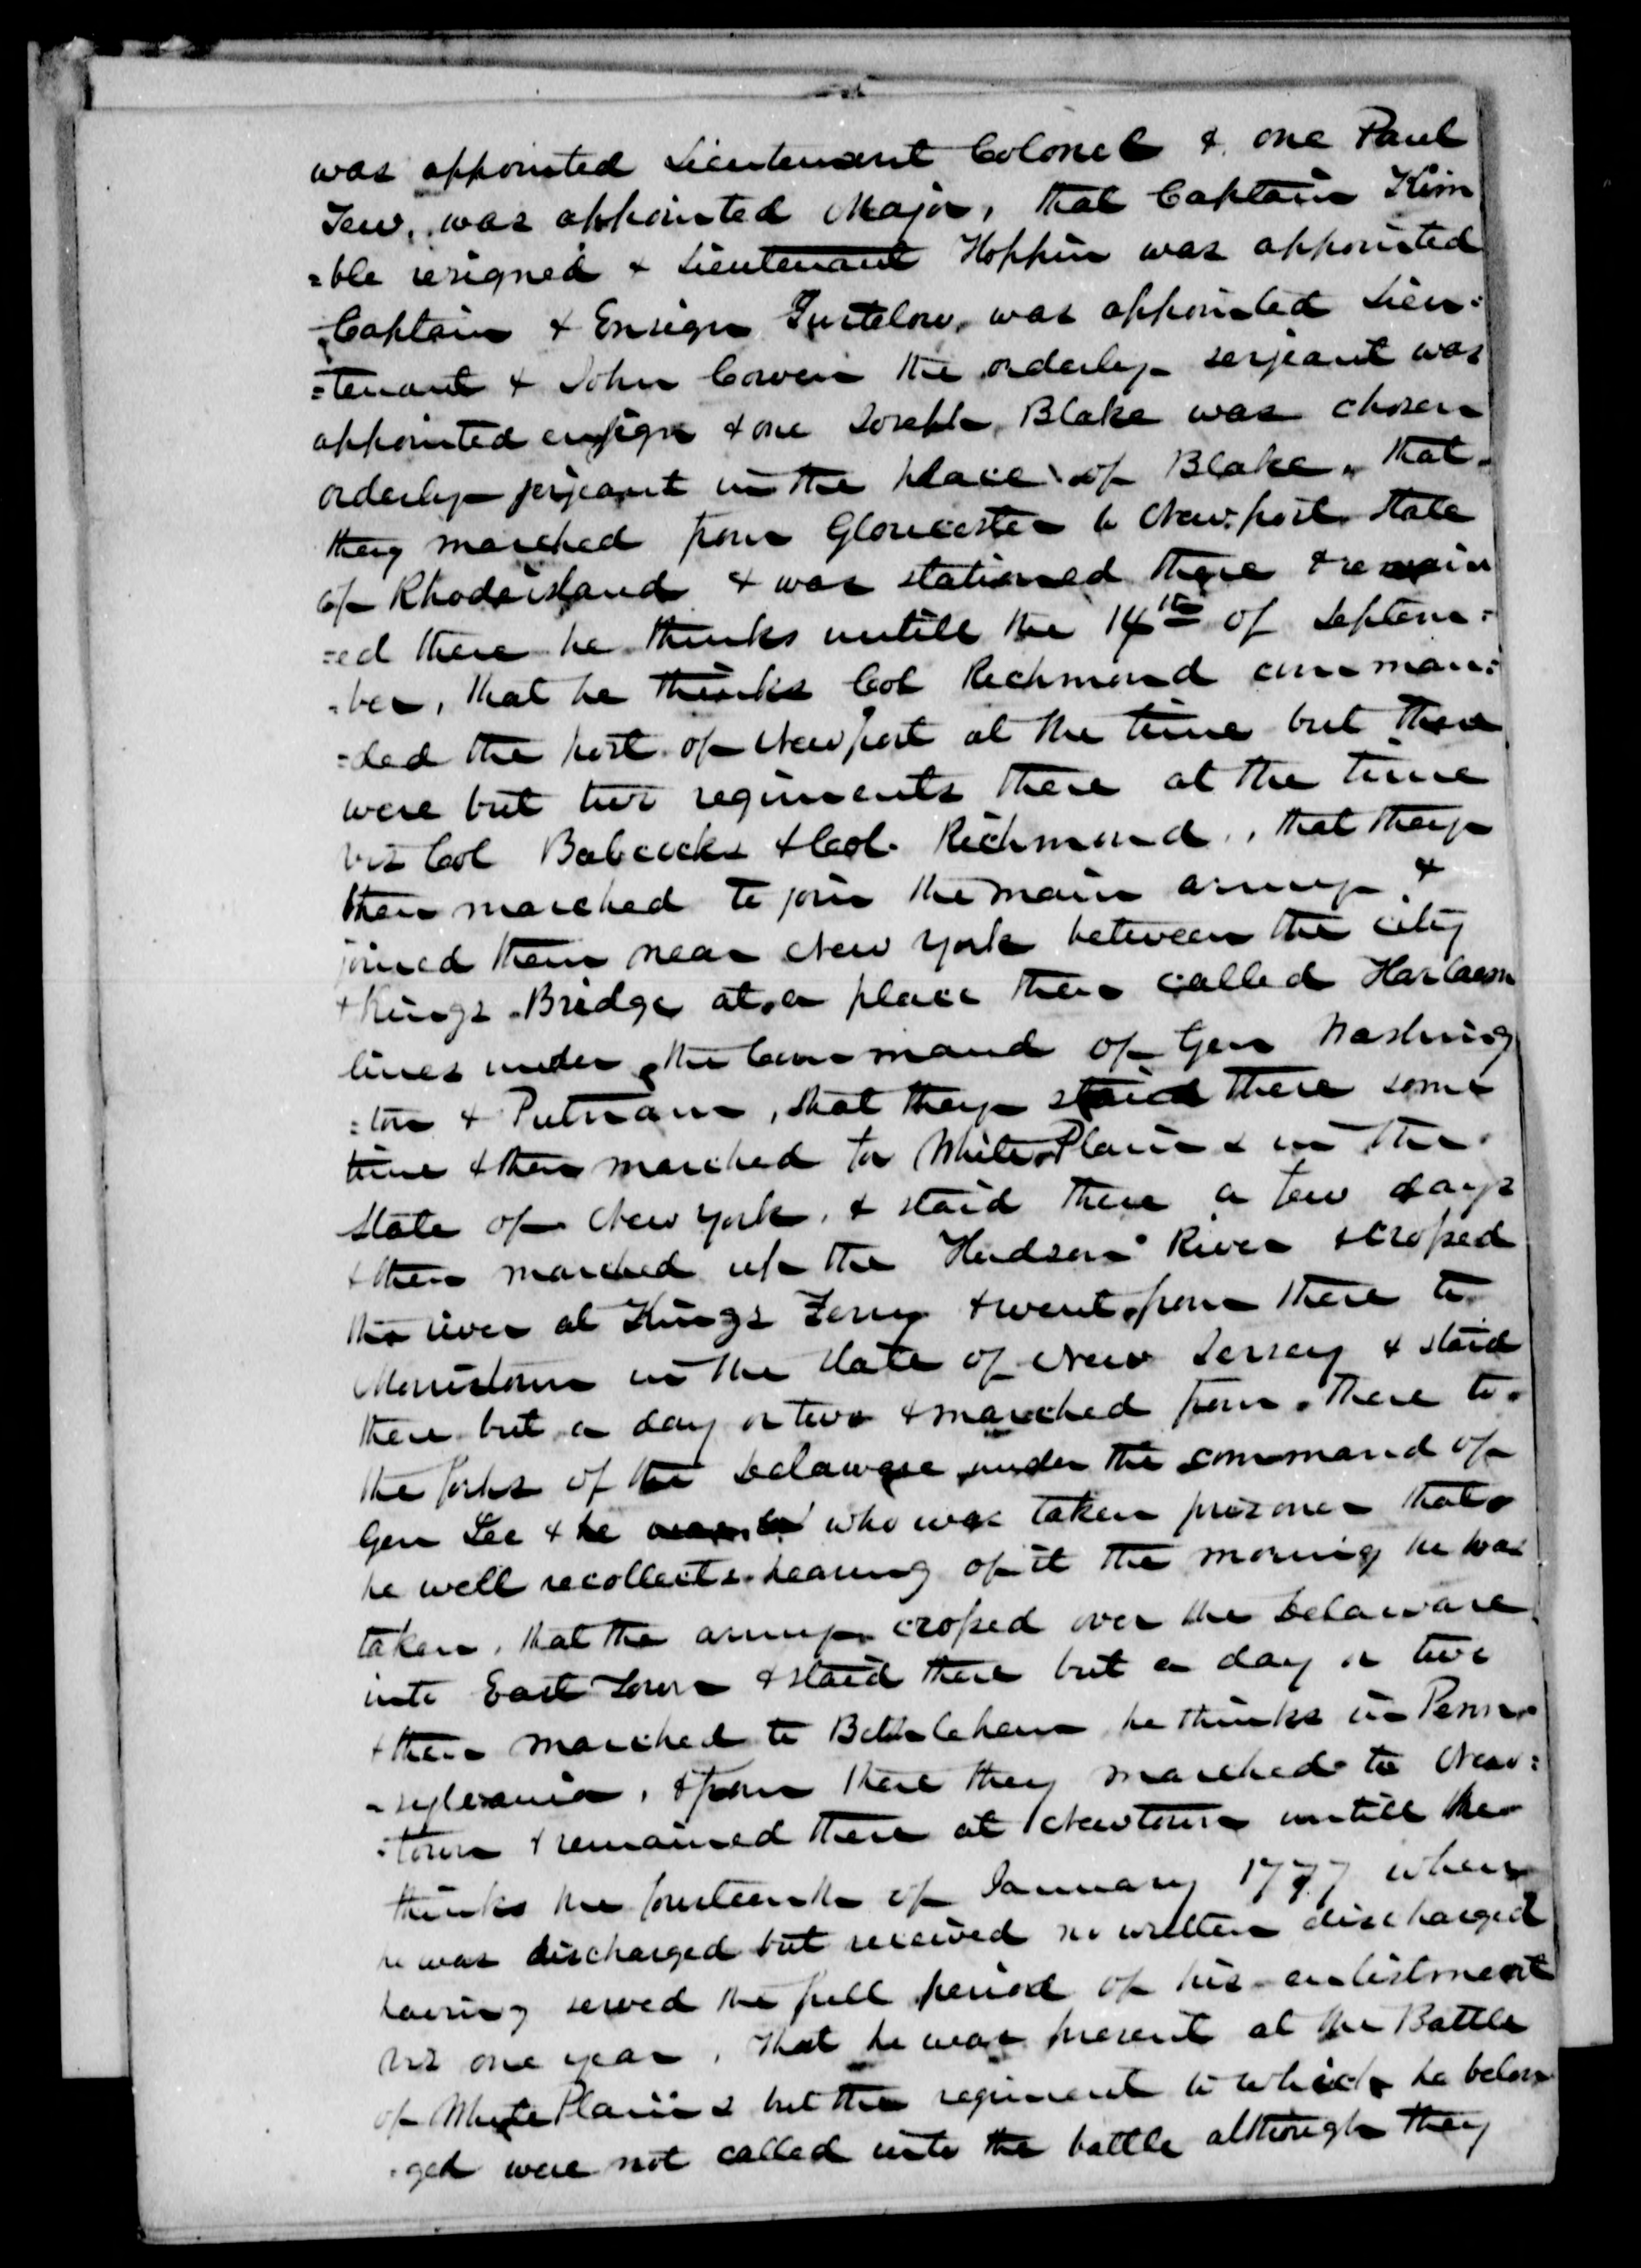was appointed Lieutenant Colonel & one Paul Tew, was appointed Major, that Captain Kimble resigned & Lieutenant Hoppin was appointed Captain & Ensign Turtelow, was appointed Lieutenant & John Cowen the orderly sergeant was appointed ensign & one Joseph Blake was chosen orderly sergeant in the place of Blake that they marched from Gloucester to Newport State of Rhode Island & was stationed there & remained there he thinks untill the 14th of September, that he thinks Col Richmond commanded the port of Newport at the time but there were but two regiments there at the time vis Col Babcock & Col. Richmond, that they then marched to join the main army & joined them near New York between the city & Kings Bridge at a place then called [illegible] lived under the command of Gen Washington & Putnam, that they staid there some time & then marched to White Plains & in the State of New York, & staid there a few days & then marched up the Kidson River & crossed the river at Kings Ferry & went from there to Morristown in the state of New Jersey & staid there but a day or two & marched from there to the forks of the Delaware under the command of Gen Lee & he who was taken prisoner that he well recollects hearing of it the morning he was taken, that the army crossed over the Delaware, into East town & staid there but a day or two & then marched to Bethlehem he thinks in Pennsylvania, & from there they marched to Newtown & remained there at Newtown untill he thinks the fourteenth of January 1777 when he was discharged but received no written discharged having served the full period of his enlistment for one year.  That he was present at the Battle of White Plains but the regiment to which he belonged were not called into the battle although they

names: Joseph Blake, Hoppin, John Cowen, Turtelow, Kimble, Washington, Putnam, Richmond, Paul Tew, Babcock, Lee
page: 8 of 18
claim: survivor's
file: S. 11731, Robert Whippel, Continental Mass R. I.